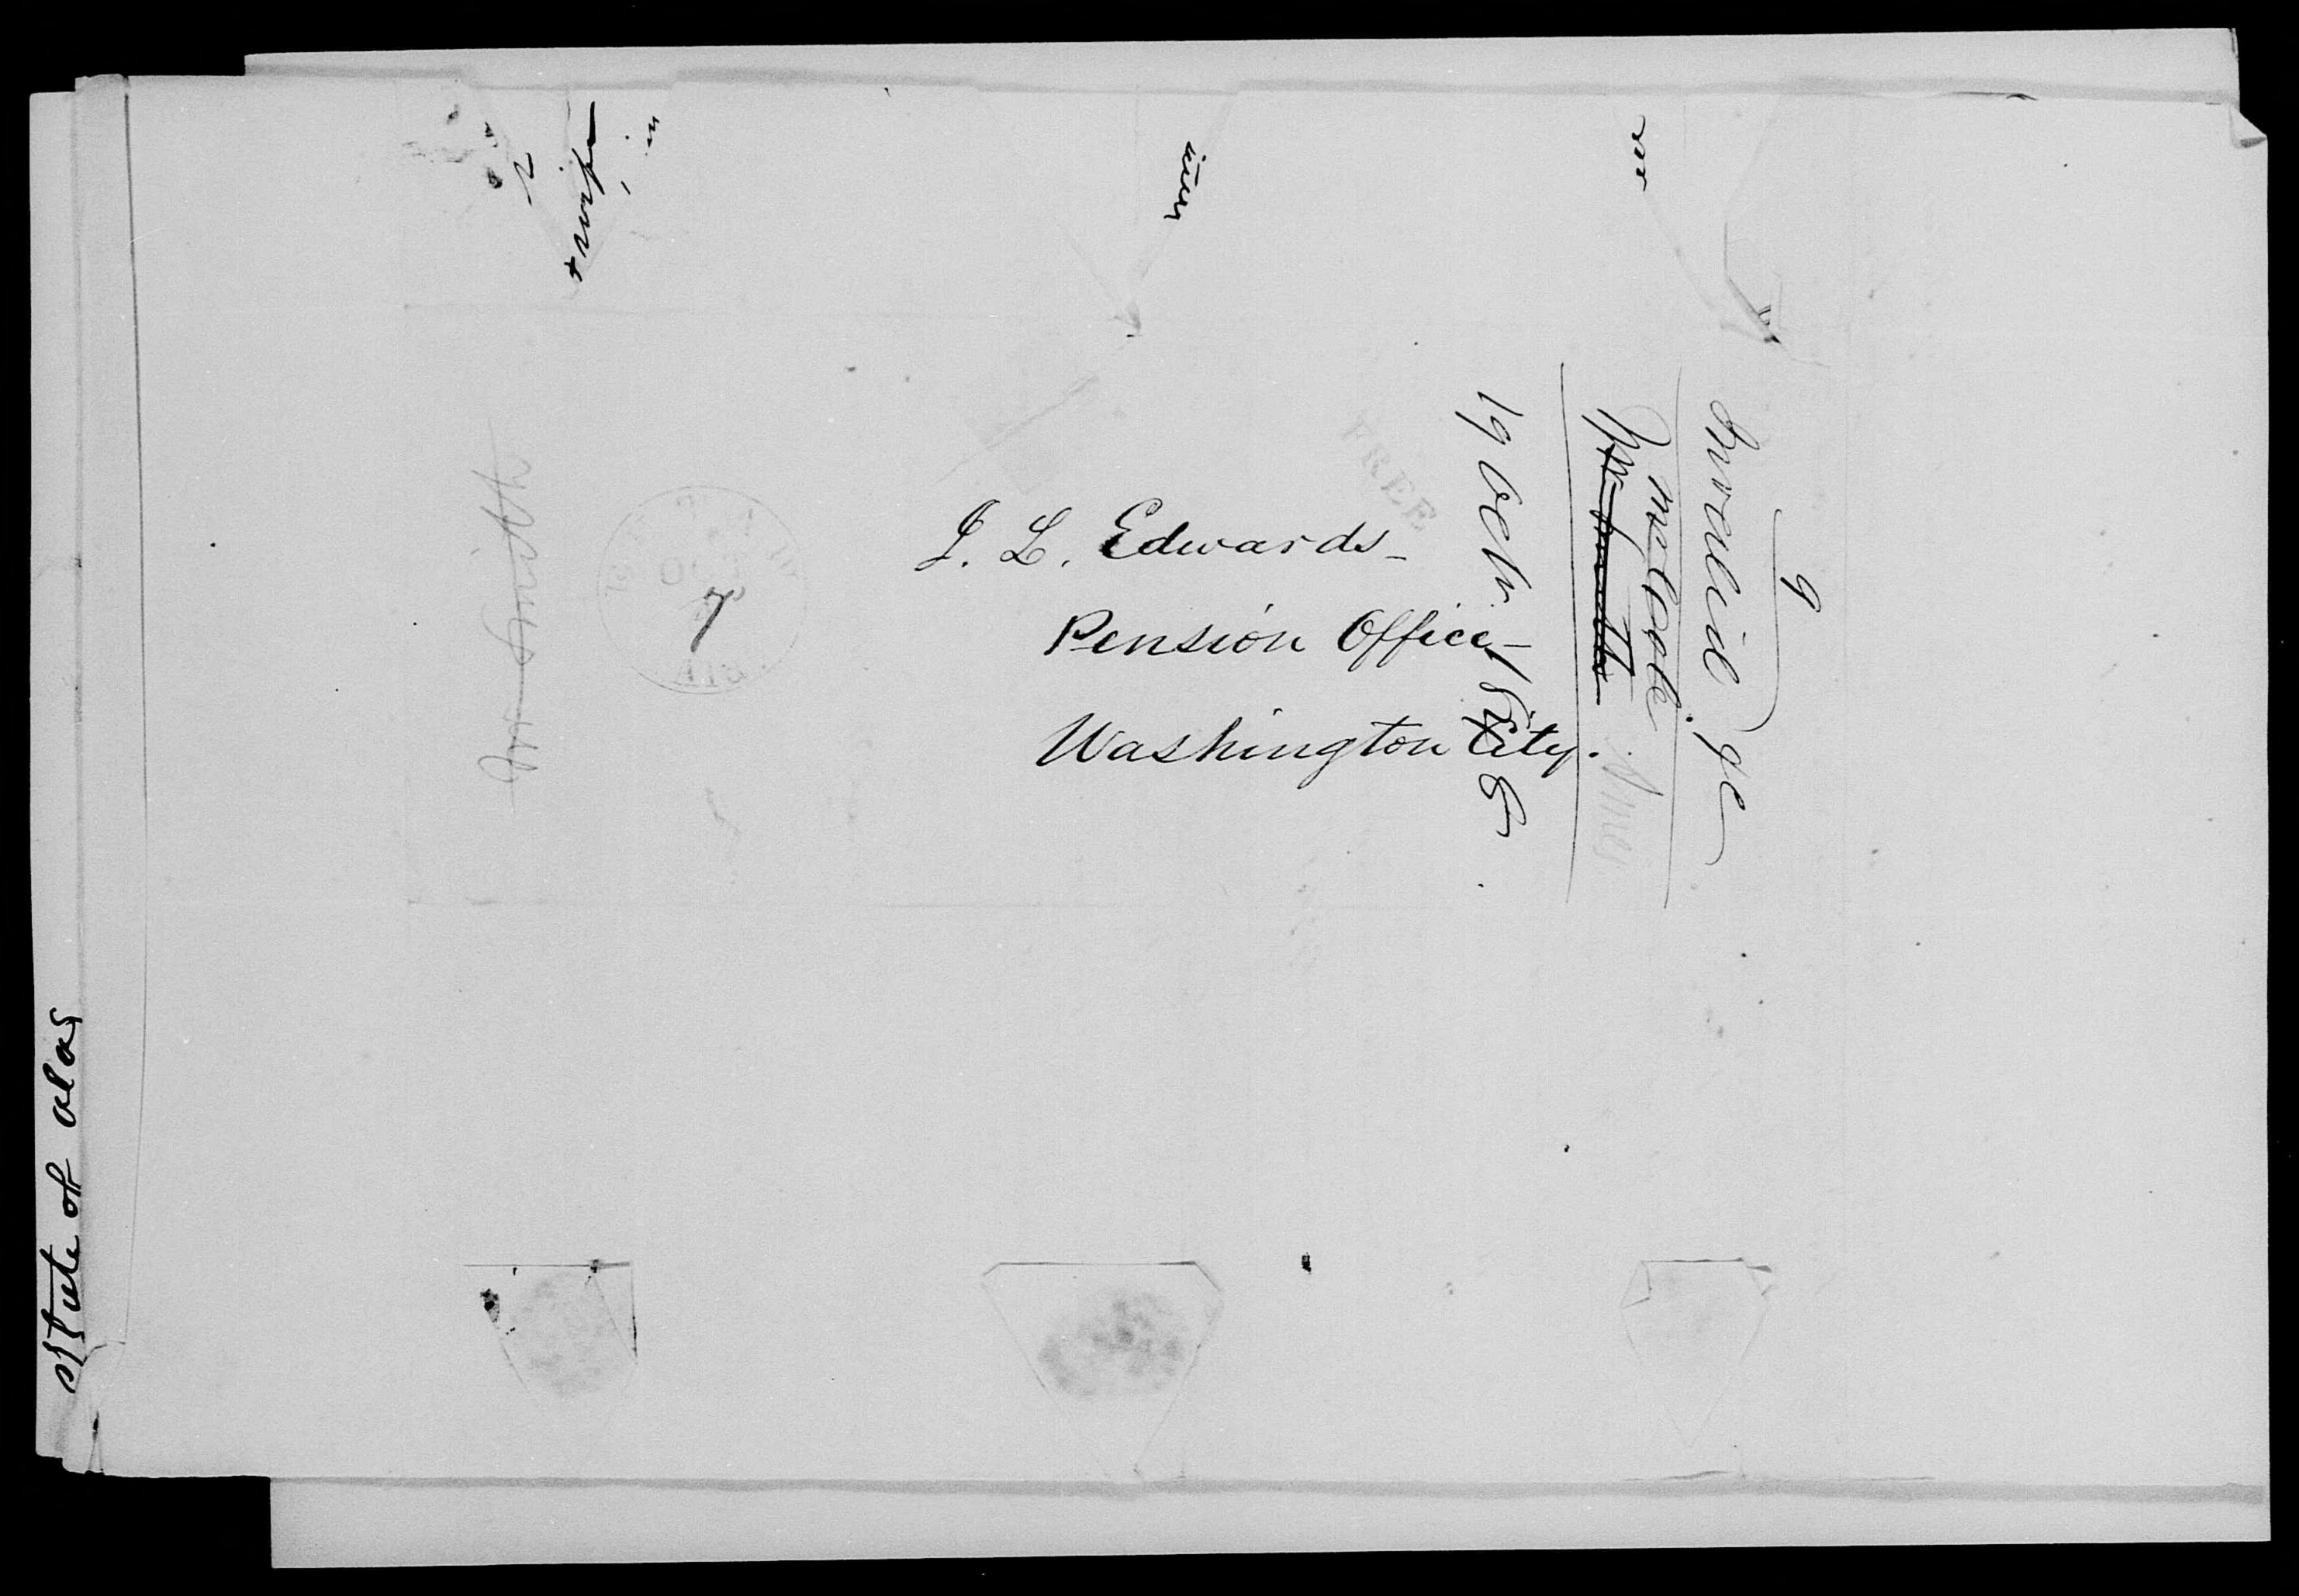J. L. Edwards -
Pension Office -
Washington City.

[illegible]. dc
[illegible cross off text]
19 Oct
[illegible crossed off text]

["FREE" ink stamp]
["E U T A W OCT 7 Ala" ink stamp]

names: J L Edwards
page: 69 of 92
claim: widow's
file: W. 5522, for James Pettigrew, South Carolina